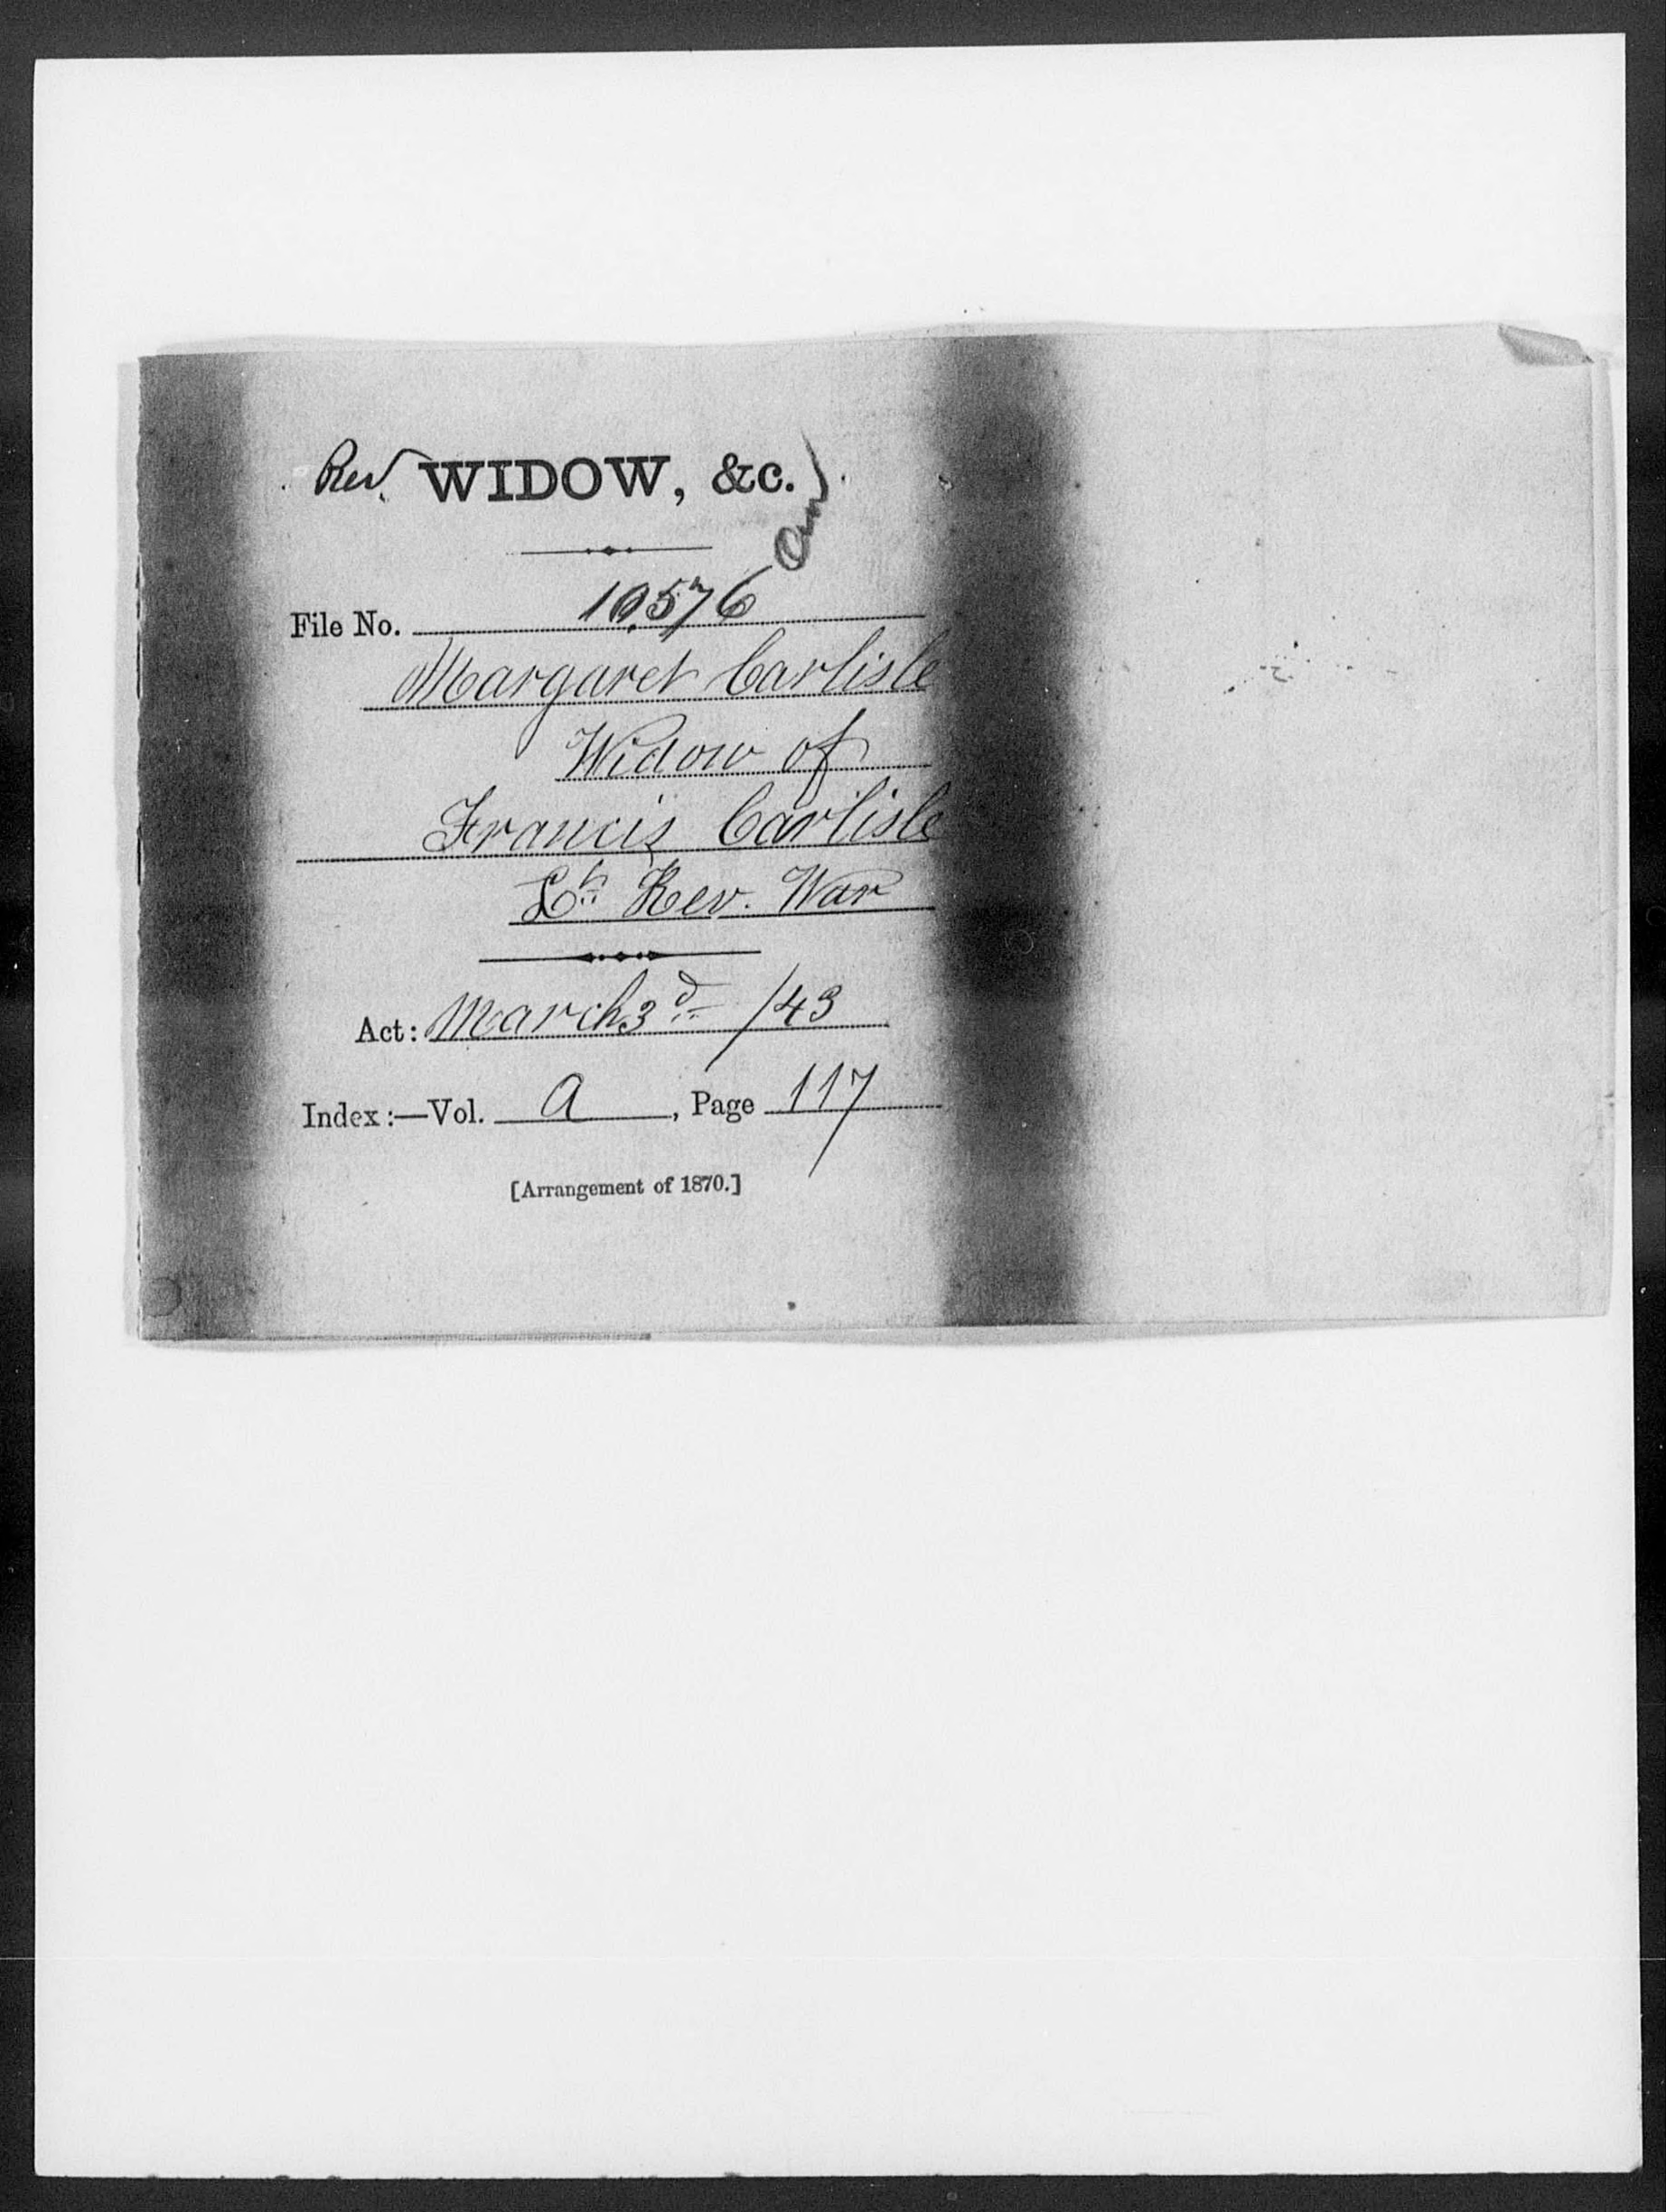Rev WIDOW, &c.
______
File No. 10.576
Margaret Carlisle
Widow of 
Francis Carlisle
Lt Rev. War
_____
Act: March 3d / 43
Index:--Vol. A, Page 117
[Arrangement of 1870.]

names: Francis Carlisle, Margaret Carlisle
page: 21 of 91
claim: widow's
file: W. 10576, Francis Carlisle, S.C.